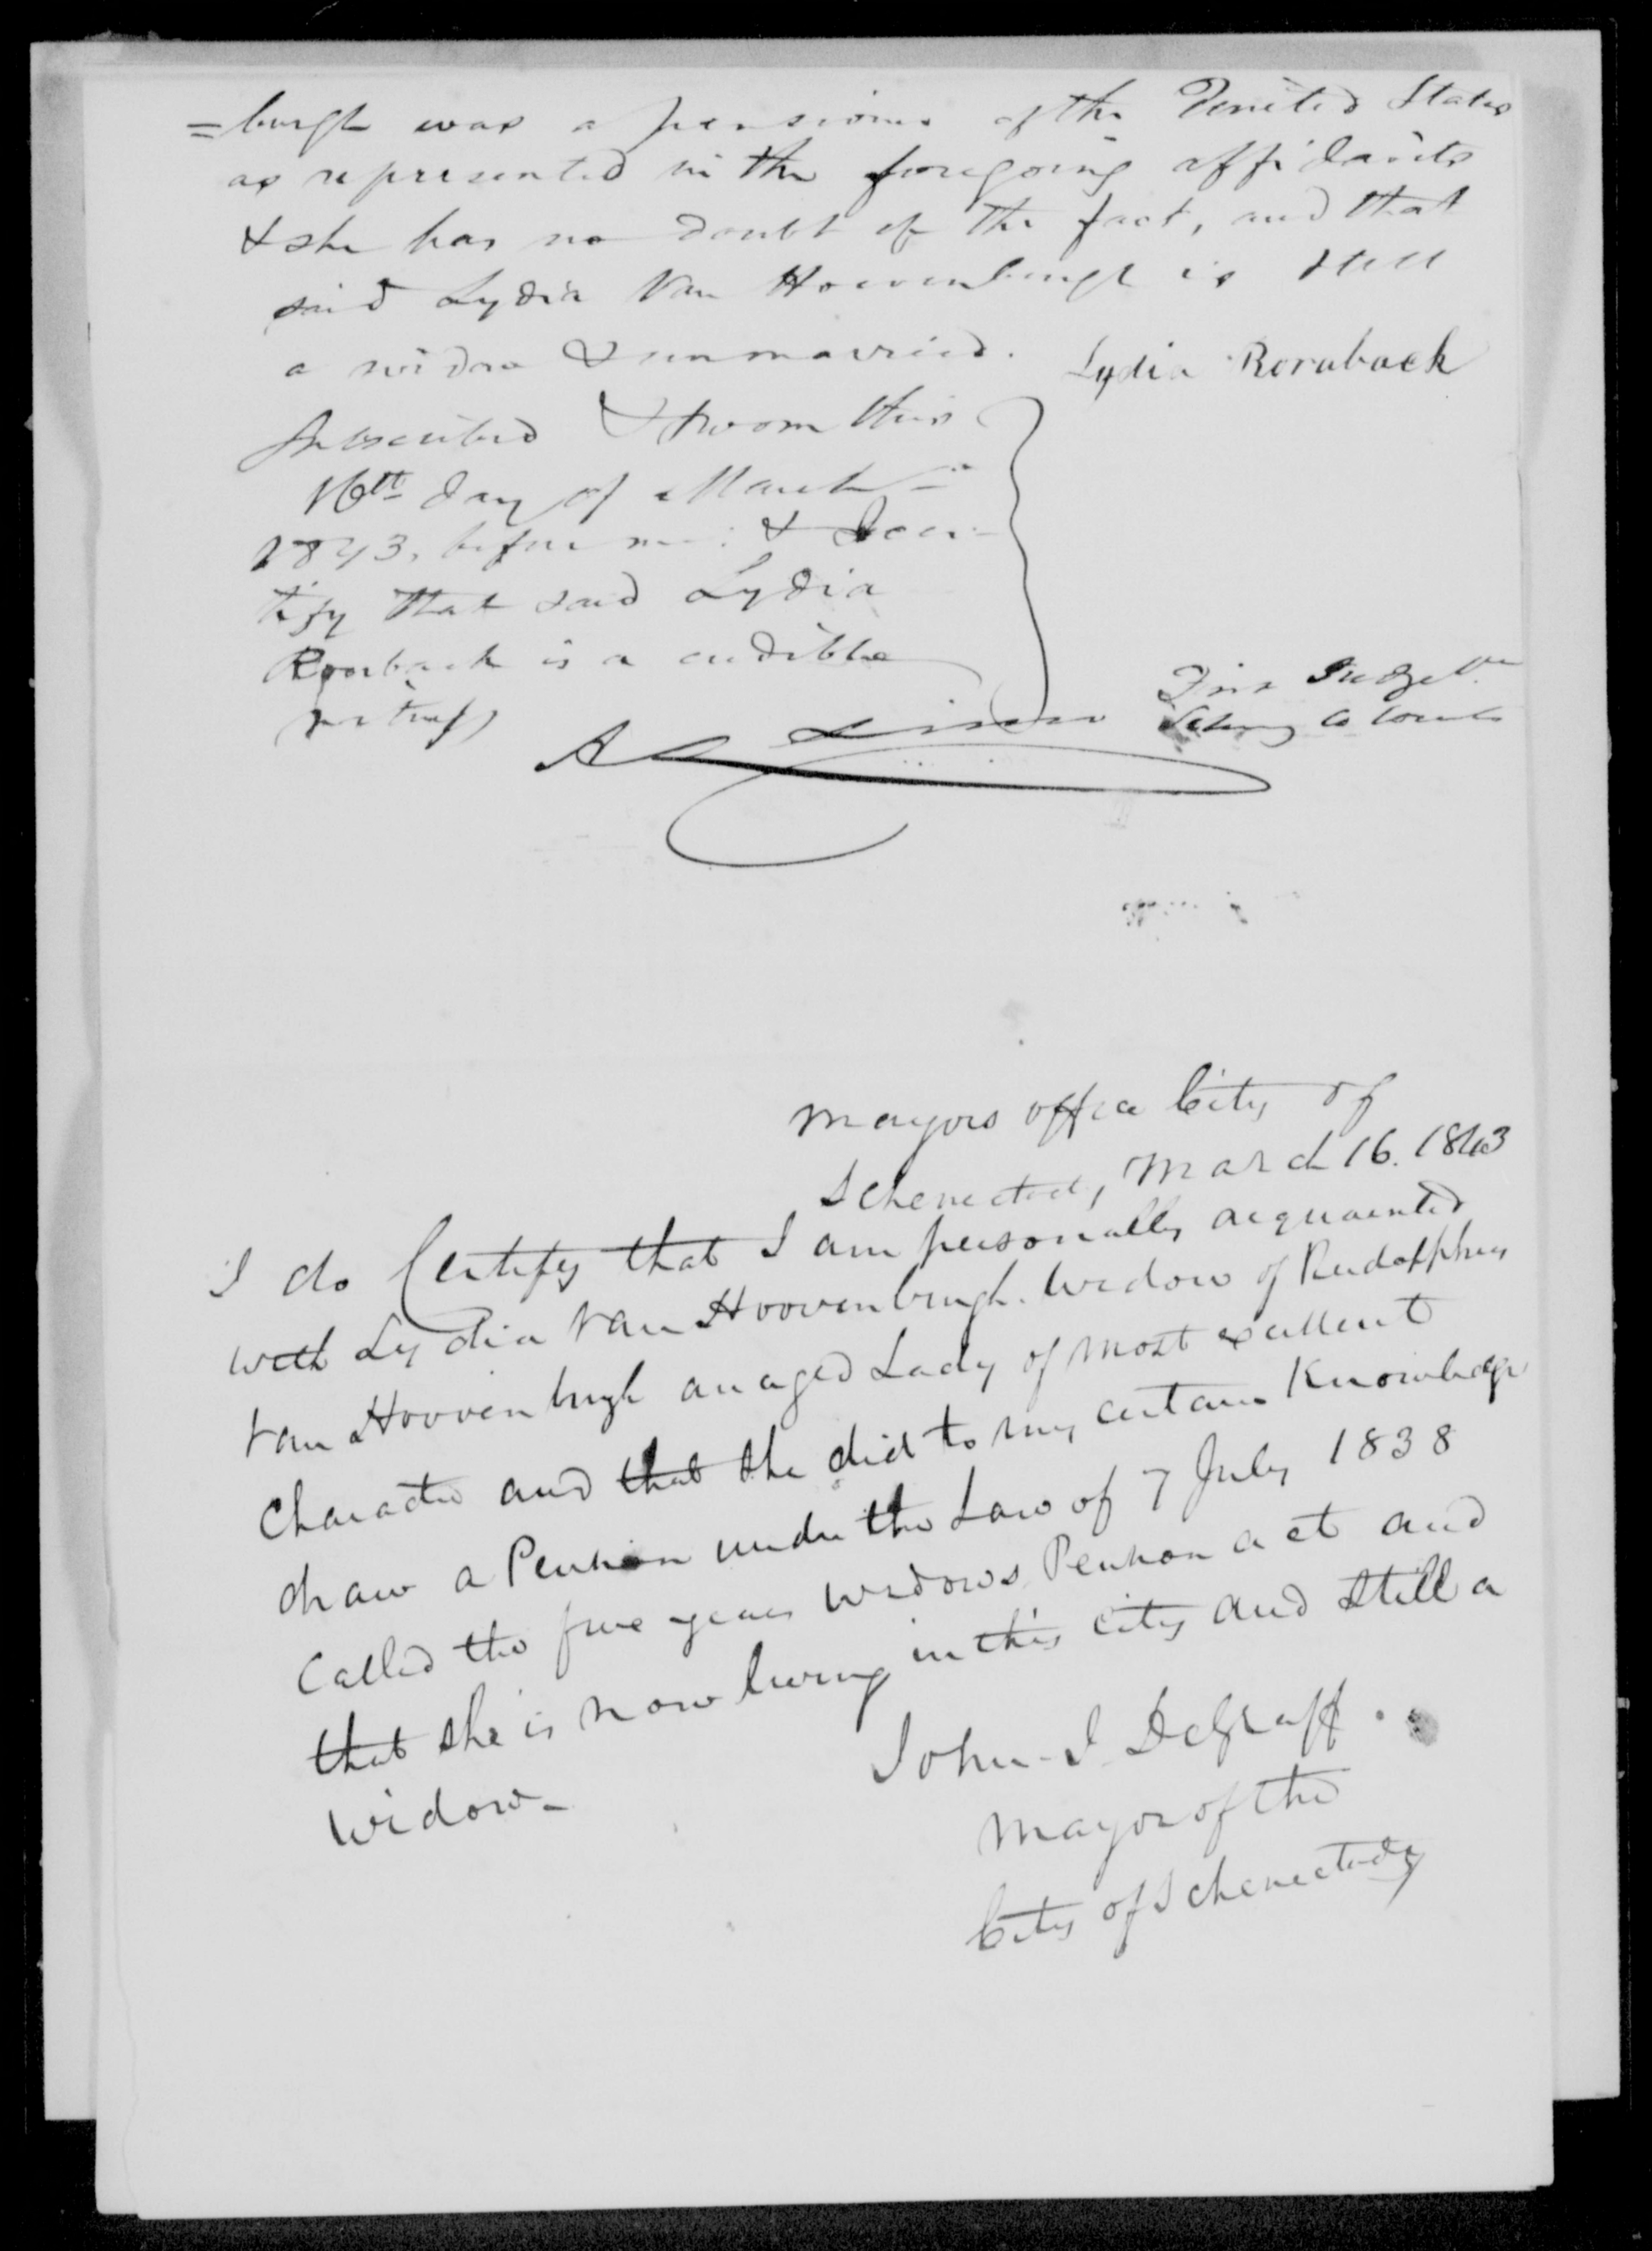=burgh was a pensioner of the United States as represented in the foregoing affidavits & she has no doubt of the fact, and that
said Lydia Van Hoevenburgh is still a widow & unmarried.
Lydia Roraback [signature]
Subscribed & Sworn this 16th day of March1843, before me
& I certify that said Lydia Ronback is a credible witness.}
A Linn [signature]
First Judge of the
Schneny Courts
--------------------
Mayors office City of Schnectada, March 16. 1843
I do certify that I am personally acquainted with Lydia Van Hoovenburgh widow of Rudolphus Van Hoovenbugh an aged Lady of most excellent character and that she did to my certain knowledge draw a pension under the law of July 1838 called the five years Widows Pension act and that she is now living in
this city and still a widow.
John I DeGraff.
Mayor of the
City of Schenectady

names: John I De Graff, Lydia Roorback, Lydia Van Hoevenburgh, Rudolphus Van Hoovenburgh, Lydia Van Hoovenburgh, A L Linn, Lydia Roraback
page: 37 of 38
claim: widow's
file: W. 23324, Rudolphus Van Hoevenbergh, New York